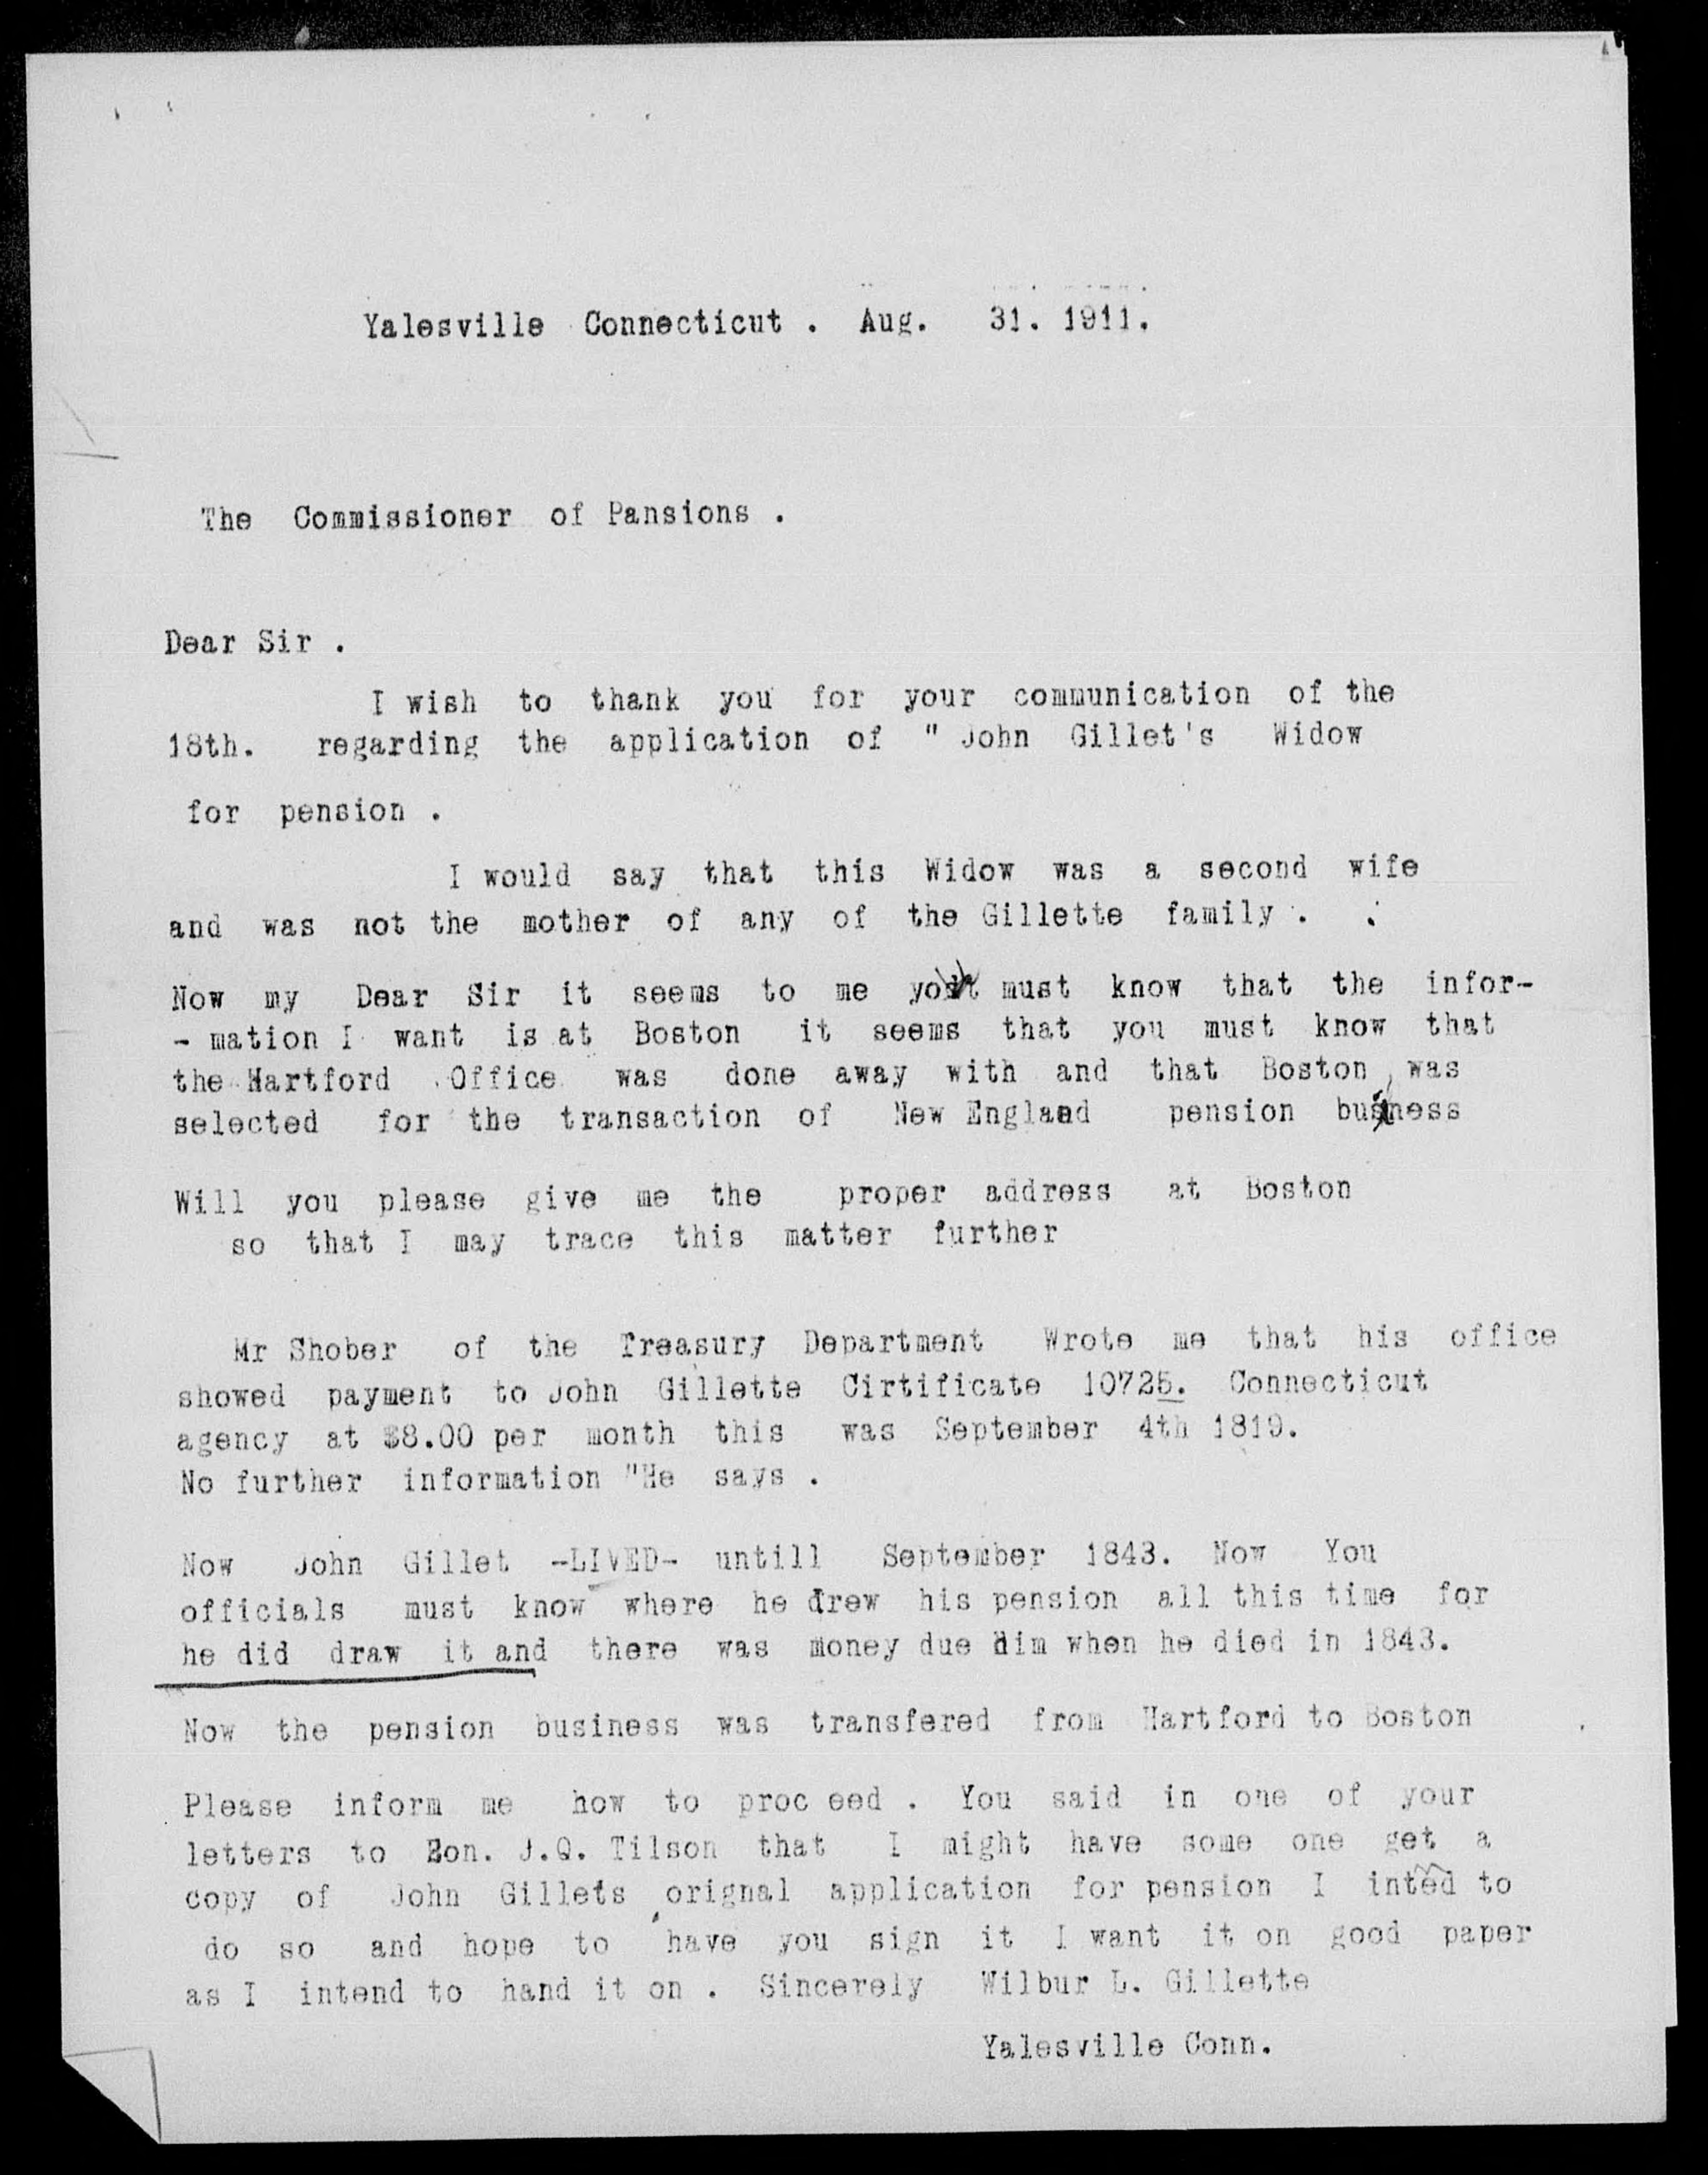To Commissioner of Pensions.

Dear Sir.
      I wish to thank you for your communication of the 18th. regarding the application of  " (your) John Gillet's widow for pension.

   I would say that this Widow was a second wife and was not the mother of any of the Gillet family.

    Now my Dear Sir it seems to me you must know that the information I want is at Boston  it seems that you must know that the Hartford Office was done away with and that Boston was selected for the transaction of New England pension business

    Will  you please give me the proper address at Boston  so that I may trace this matter further

    Mr Shober of the Treasury Department wrote me that his office showed payment to John Gillet Cirtificate [sic] 10725. Connecticut agency at $8.00 per month this was September 4th 1819. No further information "He says.

     Now John Gillett - LIVED - untill [sic] September 1843. Now  You officials must know where he drew his pension all this time for he did draw it [last four words underlined] and there was money due him when he died in 1843.

    Now the pension business was transfered [sic] from Hartford to Boston

    Please inform me how to proceed.  You said in one of your letters to Hon. J.Q. Tilson that I might have some one get a copy of John Gillets original application for pension  I intend to do so and hope to have you sign it  I want it on good as I intend to hand it on.  Sincerely, Wilbur L. Gillette
                      Yalesville  Conn.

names: John Gillette, Shober, Gillette, John Gillet, John Gillet, J Q Tilson, John Gillet, Wilbur L Gillette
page: 35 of 40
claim: survivor's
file: S. 36,537 And R. 4034, John Gillet, Conn.